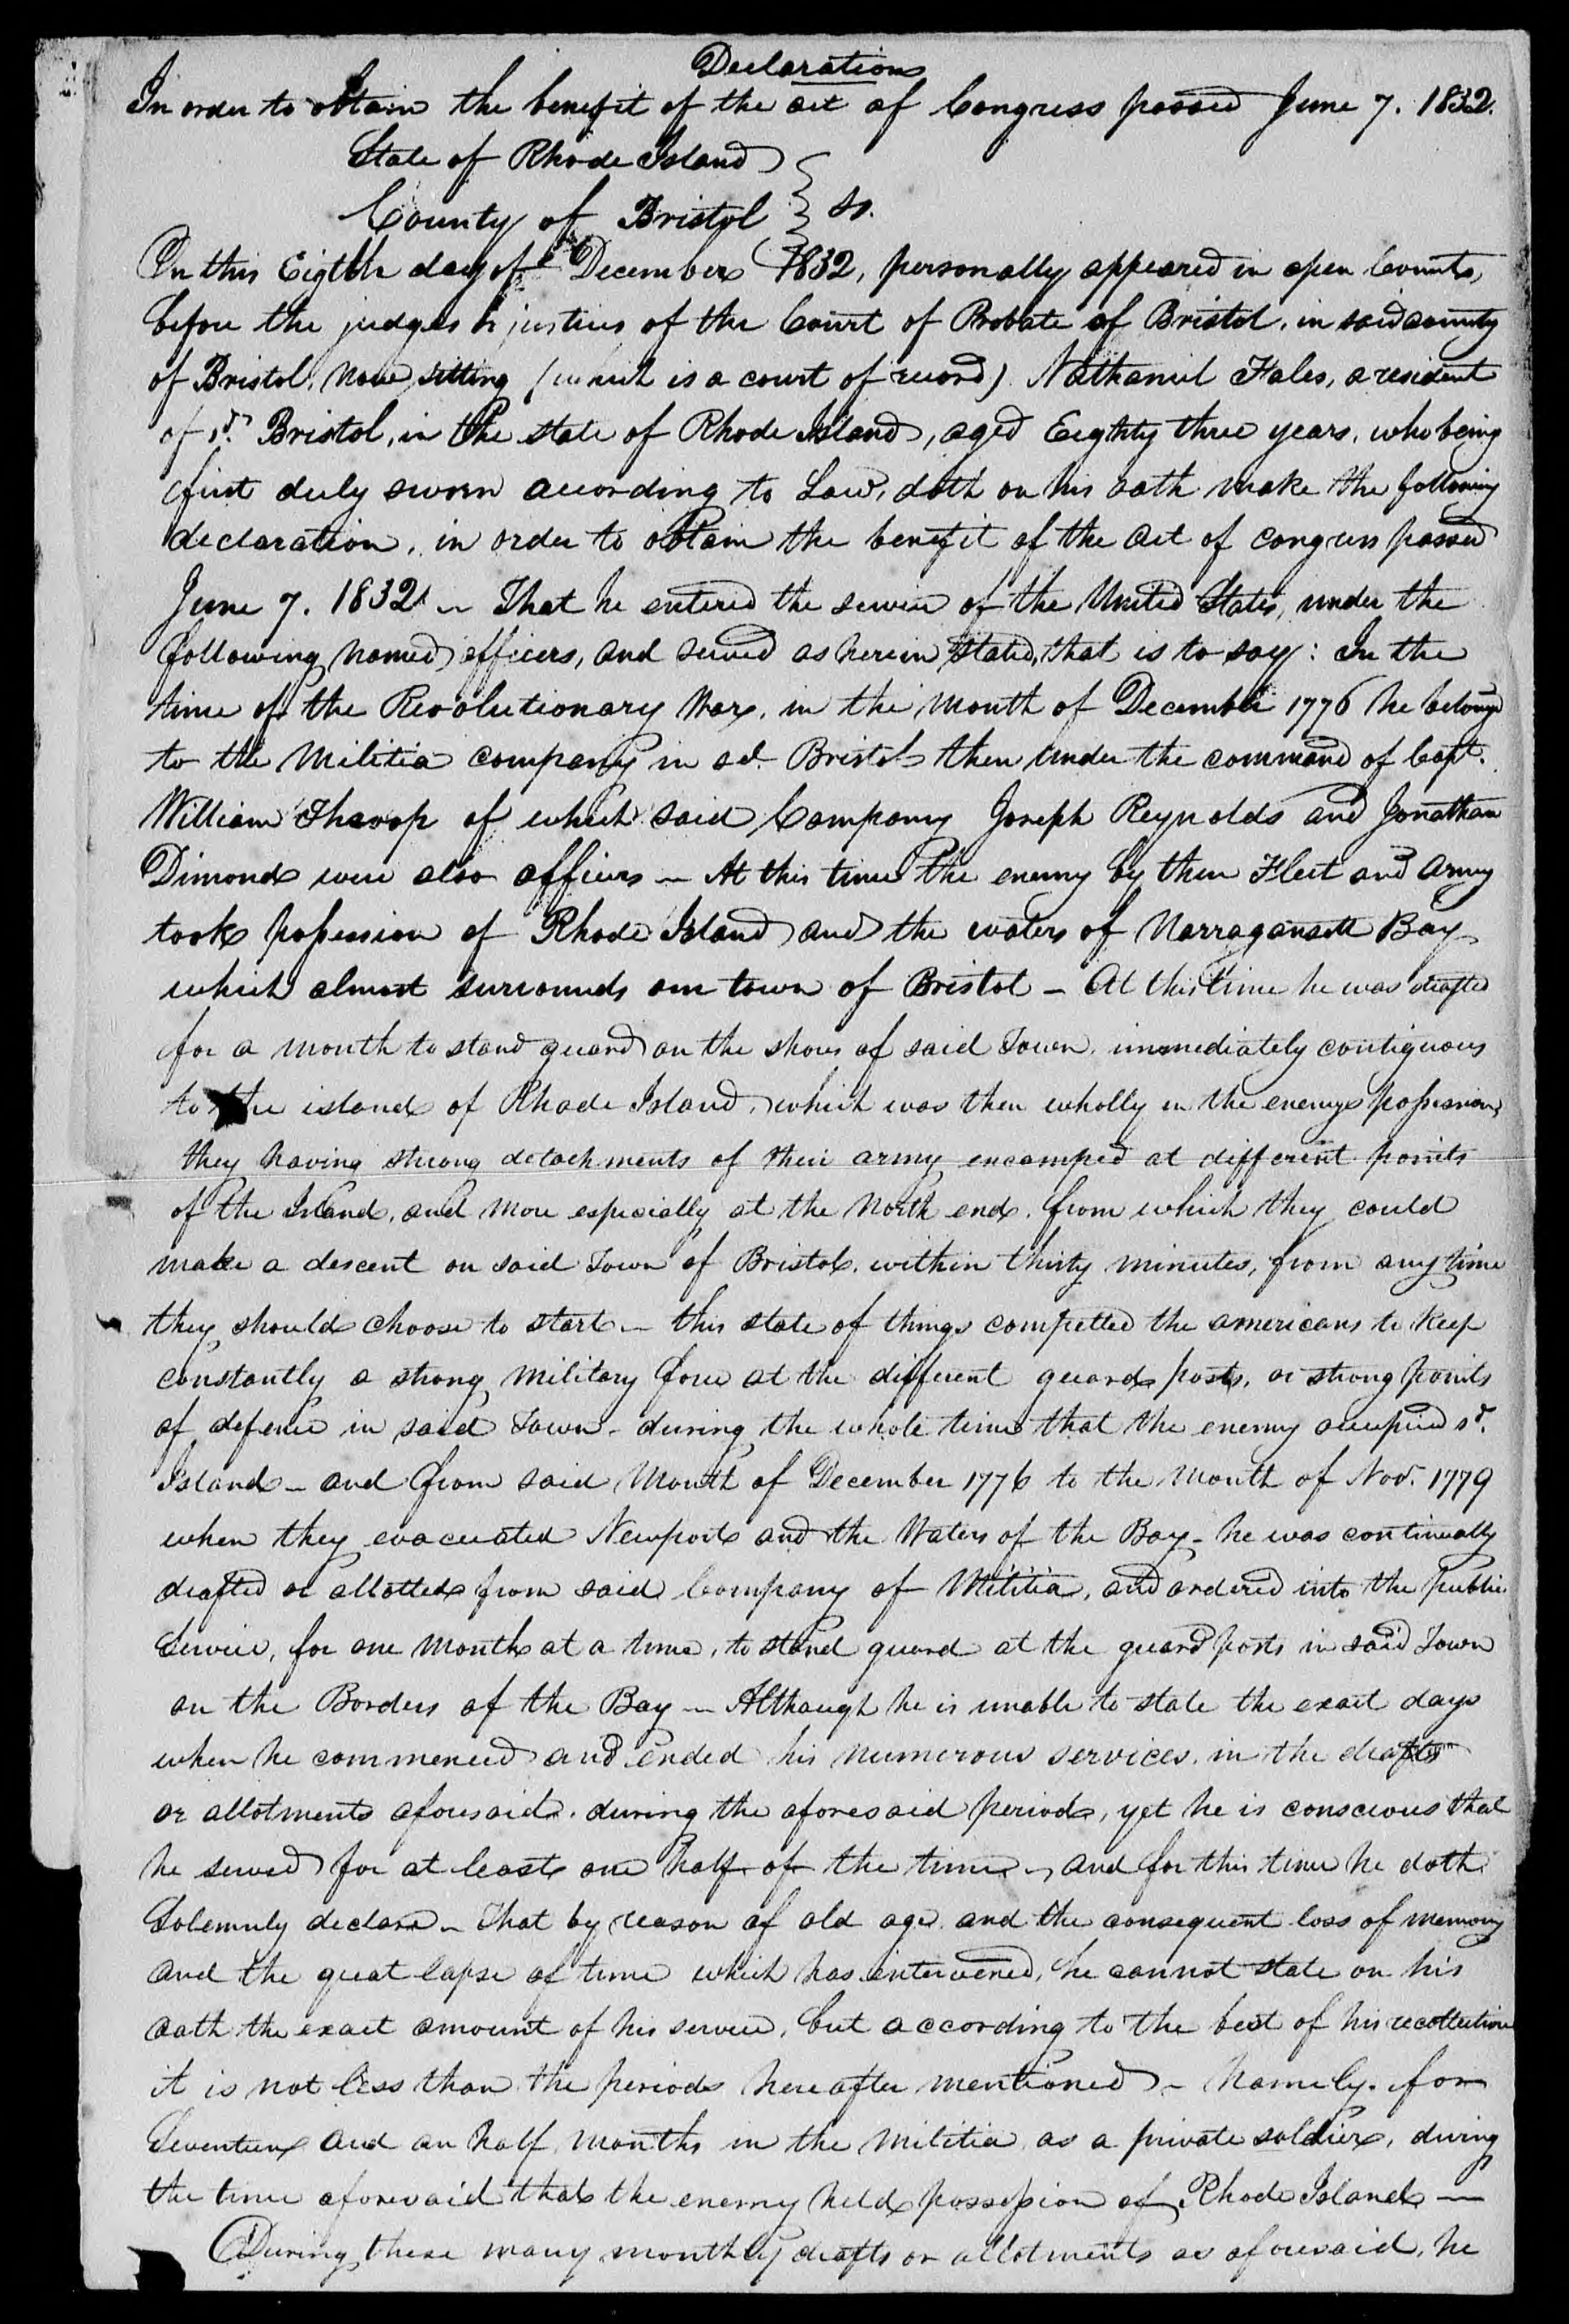Declarations
[short underscore]
In order to obtain the benefit of the act of Congress passed June 7, 1832.
State of Rhode Island }
County of Bristol } Sc.
On this Eighth day of December 1832, personally appeared in open Court, before the judges & justices of the Court of Probate of Bristol, in said county of Bristol, now sitting forewith is a court of record, Nathaniel Fales, a resident of sd. Bristol, in the state of Rhode Island, aged Eighty three years, who being first duly sworn according to Law, doth on his oath make the following declaration, in order to obtain the benefit of the act of congress passed June 7, 1832 - That he entered the service of the United States, under the following named officers, and served as herein stated, that is to say: In the time of the revolutionary War, in the month of December 1776 he belonged to the militia company in sd Bristol then under the command of Capt. William Throop of which said Company Joseph Reynolds and Jonathan Dimond were also officers - At this time the enemy by then Fleet and Army took possession of Rhode Island and the waters of Narragansett Bay, which almost surrounds our town of Bristol - At this time he was drafted for a month to stand guard on the shores of said town, immediately contiguous to the island of Rhode Island, which was then wholly in the enemys possession, , they having strong detachments of their army, encamped at different points of the Islands, and more especially at the North end, from which they could make a descent on said Town of Bristol, within thirty minutes, from any time they, should choose to start - this state of things compelled the americans to keep constantly a strong military force at the different guard posts, or strong points of defense in said town during the whole time that the enemy occupied sd. Island - and from said Month of December 1776 to the month of Nov. 1779 when they evacuated Newport and the waters of the Bay. he was continually drafted or allotted from said Company of militia, and ordered into the public Service, for one month at a time, to stand guard at the guard posts in said Town on the borders of the Bay - Although he is unable to state the exact days when he commenced and ended his numerous services, in the drafts or allotments aforesaid, during the aforesaid periods, yet he is conscious that he served for at least one half of the time - and for this time he doth solemnly declare - that by reason of old age, and the consequent loss of memory and the great lapse of time which has intervened, he cannot state on his oath the exact amount of his service, but according to the best of his recollection it is not less than the periods hereafter mentioned - namely, for seventeen and a half months in the militia as a private soldier, during the time of aforesaid that the enemy held possession of Rhode Island - During these many monthly drafts on allotments as aforesaid, he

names: Nathaniel Fales, Joseph Reynolds, William Throop, Joseph Reynolds, Dimond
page: 3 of 32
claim: widow's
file: W. 24,173, Nathaniel Fales, R.I.